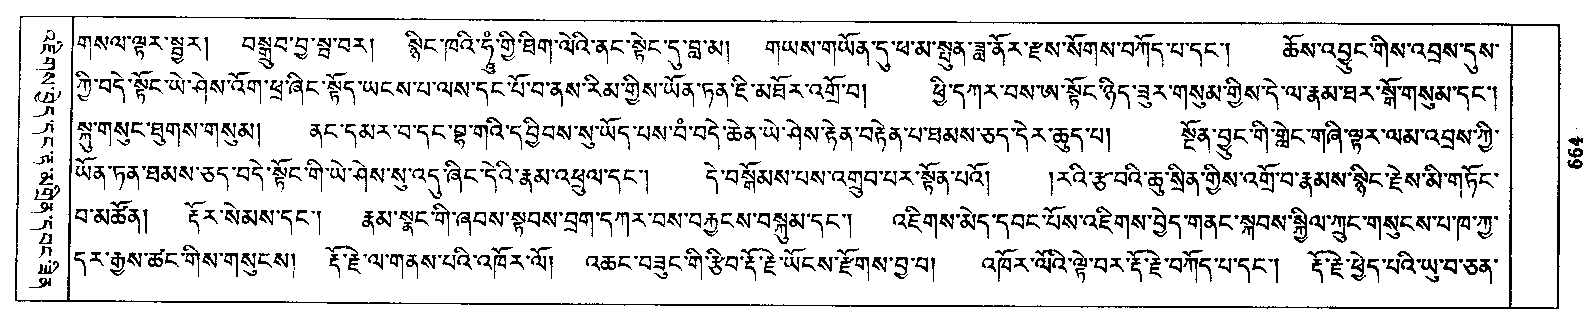གསལ་ལྟར་སྦྱར། བསྒྲུབ་བྱ་སྤ་བར། སྙིང་ཁའི་ཧཱུཾ་གྱི་ཐིག་ལེའི་ནང་སྟེང་དུ་བླ་མ། གཡས་གཡོན་དུ་ཕ་མ་སྤུན་ཟླ་ནོར་རྫས་སོགས་བཀོད་པ་དང་། ཆོས་འབྱུང་གིས་འབྲས་དུས་
ཀྱི་བདེ་སྟོང་ཡེ་ཤེས་འོག་ཕྲ་ཞིང་སྟོད་ཡངས་པ་ལས་དང་པོ་བ་ནས་རིམ་གྱིས་ཡོན་ཏན་ཇི་མཐོར་འགྲོ་བ། ཕྱི་དཀར་བས་ཨ་སྟོང་ཉིད་ཟུར་གསུམ་གྱིས་དེ་ལ་རྣམ་ཐར་སྒོ་གསུམ་དང་།
སྐུ་གསུང་ཐུགས་གསུམ། ནང་དམར་བ་དང་བྷ་གའི་དབྱིབས་སུ་ཡོད་པས་བཾ་བདེ་ཆེན་ཡེ་ཤེས་རྟེན་བརྟེན་པ་ཐམས་ཅད་དེར་ཆུད་པ། སྔོན་བྱུང་གི་གླེང་གཞི་ལྟར་ལམ་འབྲས་ཀྱི་
ཡོན་ཏན་ཐམས་ཅད་བདེ་སྟོང་གི་ཡེ་ཤེས་སུ་འདུ་ཞིང་དེའི་རྣམ་འཕྲུལ་དང་། དེ་བསྒོམས་པས་འགྲུབ་པར་སྟོན་པའོ། །རའི་རྩ་བའི་ཆུ་སྲིན་གྱིས་འགྲོ་བ་རྣམས་སྙིང་རྗེས་མི་གཏོང་
བ་མཚོན། རྡོར་སེམས་དང་། རྣམ་སྣང་གི་ཞབས་སྟབས་བྲག་དཀར་བས་བརྐྱངས་བསྐུམ་དང་། འཇིགས་མེད་དབང་པོས་འཇིགས་བྱེད་གནང་སྐབས་སྐྱིལ་ཀྲུང་གསུངས་པ་ཁ་ཀྱ་
དར་རྒྱས་ཚང་གིས་གསུངས། རྡོ་རྗེ་ལ་གནས་པའི་འཁོར་ལོ། འཆང་བཟུང་གི་རྩིབ་རྡོ་རྗེ་ཡོངས་རྫོགས་བྱ་བ། འཁོར་ལོའི་ལྟེ་བར་རྡོ་རྗེ་བཀོད་པ་དང་། རྡོ་རྗེ་ཕྱེད་པའི་ཡུ་བ་ཅན་